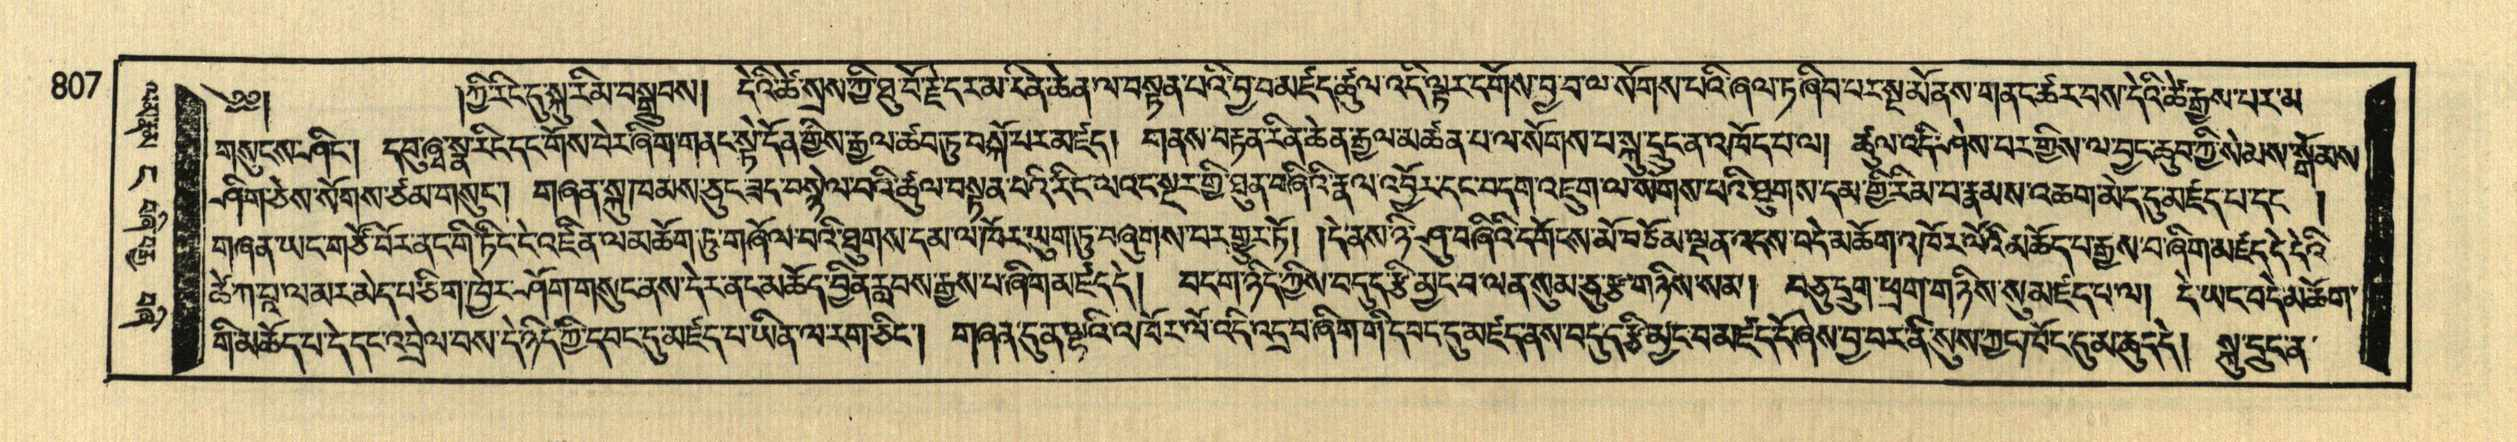༄༅། །ཀྱི་རིང་དུ་སྐུ་རིམ་བསྒྲུབས། དེའི་ཚེ་སྲས་ཀྱི་ཐུ་བོ་རྗེ་དར་མ་རིན་ཆེན་ལ་བསྟན་པའི་བྱ་བ་མཛད་ཚུལ་འདི་ལྟར་དགོས་བྱ་བ་ལ་སོགས་པའི་ཞལ་ཏ་ཞིབ་པར་སྔ་མོ་ནས་གནང་ཚར་བས་དེའི་ཚེ་རྒྱས་པར་མ་
གསུངས་ཤིང་། དབུ་ཞྭ་སྣ་རིང་དང་གོས་བེར་ཞིག་གནང་སྟེ་དོན་གྱིས་རྒྱལ་ཚབ་ཏུ་བསྐོ་པར་མཛད། གནས་བརྟན་རིན་ཆེན་རྒྱལ་མཚན་པ་ལ་སོགས་པ་སྐུ་དྲུང་ན་འཁོད་པ་ལ། ཚུལ་འདི་ཤེས་པར་གྱིས་ལ་བྱང་ཆུབ་ཀྱི་སེམས་སྒོམས་
ཤིག་ཅེས་སོགས་ཙམ་གསུང་། གཞན་སྐུ་ཁམས་ཅུང་ཟད་བསྙེལ་བའི་ཚུལ་བསྟན་པའི་རིང་ལའང་སྔར་གྱི་ཐུན་བཞིའི་རྣལ་འབྱོར་དང་བདག་འཇུག་ལ་སོགས་པའི་ཐུགས་དམ་གྱི་རིམ་བ་རྣམས་འཆག་མེད་དུ་མཛད་པ་དང་།
གཞན་ཡང་གཙོ་བོར་ནང་གི་ཏིང་ངེ་འཛིན་ལ་མཆོག་ཏུ་གཞོལ་བའི་ཐུགས་དམ་ལ་ཁོར་ཡུག་ཏུ་བཞུགས་བར་གྱུར་ཏོ། །དེ་ནས་ཉི་ཤུ་བཞིའི་དགོངས་མོ་བཅོམ་ལྡན་འདས་བདེ་མཆོག་འཁོར་ལོའི་མཆོད་པ་རྒྱས་བ་ཞིག་མཛད་དེ་དེའི་
ཚེ་ཀ་བཱ་ལ་མར་མེད་པ་ཅིག་ཁྱེར་ཤོག་གསུང་ནས་དེར་ནང་མཆོད་བྱིན་རླབས་རྒྱས་པ་ཞིག་མཛད་དེ། བདག་ཉིད་ཀྱིས་བདུད་རྩི་མྱང་བ་ལན་སུམ་ཅུ་རྩ་གཉིས་སམ། བཅུ་དྲུག་ཕྲག་གཉིས་སུ་མཛད་པ་ལ། དེ་ཡང་བདེ་མཆོག་
གི་མཆོད་པ་དེ་དང་འབྲེལ་བས་དེ་ཉིད་ཀྱི་དབང་དུ་མཛད་པ་ཡིན་ལ་རག་ཅིང་། གཞན་དུ་ན་ལྷའི་འཁོར་ལོ་འདི་འདྲ་བ་ཞིག་གི་དབང་དུ་མཛད་ནས་བདུད་རྩི་མྱང་བ་མཛད་དོ་ཞེས་བྱ་བར་ནི་སུས་ཀྱང་ཁོང་དུ་མ་ཆུད་དེ། སྐུ་དྲུང་ན་